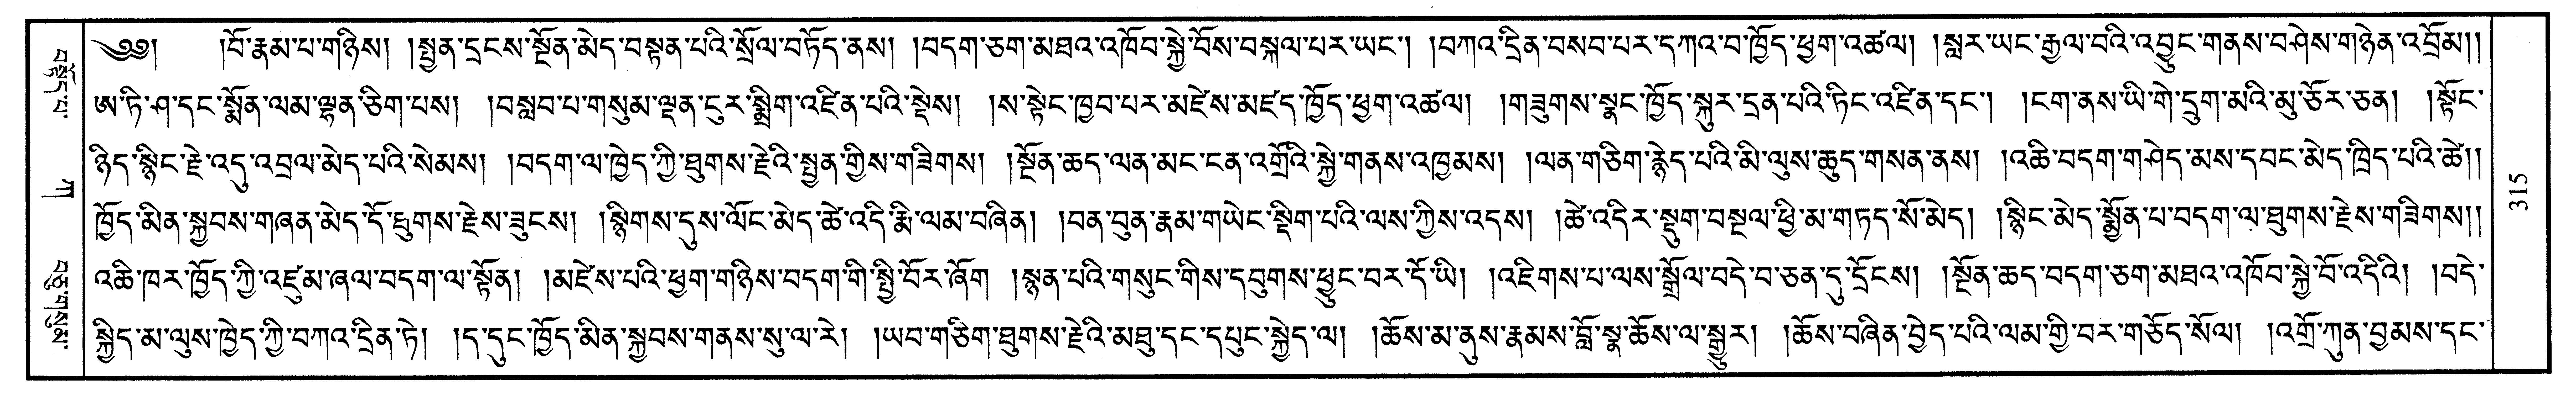༄༅། །བོ་རྣམ་པ་གཉིས། །སྤྱན་དྲངས་སྔོན་མེད་བསྟན་པའི་སྲོལ་བཏོད་ནས། །བདག་ཅག་མཐའ་འཁོབ་སྐྱེ་བོས་བསྐལ་པར་ཡང་། །བཀའ་དྲིན་བསབ་པར་དཀའ་བ་ཁྱོད་ཕྱག་འཚལ། །སླར་ཡང་རྒྱལ་བའི་འབྱུང་གནས་བཤེས་གཉེན་འབྲོམ། །
ཨ་ཏི་ཤ་དང་སྨོན་ལམ་ལྷན་ཅིག་པས། །བསླབ་པ་གསུམ་ལྡན་ངུར་སྨྲིག་འཛིན་པའི་སྡེས། །ས་སྟེང་ཁྱབ་པར་མཛེས་མཛད་ཁྱོད་ཕྱག་འཚལ། །གཟུགས་སྣང་ཁྱོད་སྐུར་དྲན་པའི་ཏིང་འཛིན་དང་། །ངག་ནས་ཡི་གེ་དྲུག་མའི་མུ་ཅོར་ཅན། །སྟོང་
ཉིད་སྙིང་རྗེ་འདུ་འབྲལ་མེད་པའི་སེམས། །བདག་ལ་ཁྱེད་ཀྱི་ཐུགས་རྗེའི་སྤྱན་གྱིས་གཟིགས། །སྔོན་ཆད་ལན་མང་ངན་འགྲོའི་སྐྱེ་གནས་འཁྱམས། །ལན་གཅིག་རྙེད་པའི་མི་ལུས་ཆུད་གསན་ནས། །འཆི་བདག་གཤེད་མས་དབང་མེད་ཁྲིད་པའི་ཚེ། །
ཁྱོད་མིན་སྐྱབས་གཞན་མེད་དོ་ཐུགས་རྗེས་ཟུངས། །སྙིགས་དུས་ལོང་མེད་ཚེ་འདི་རྨི་ལམ་བཞིན། །བན་བུན་རྣམ་གཡེང་སྡིག་པའི་ལས་ཀྱིས་འདས། །ཚེ་འདིར་སྡུག་བསྔལ་ཕྱི་མ་གཏད་སོ་མེད། །སྙིང་མེད་སྨྱོན་པ་བདག་ལ་ཐུགས་རྗེས་གཟིགས། །
འཆི་ཁར་ཁྱོད་ཀྱི་འཛུམ་ཞལ་བདག་ལ་སྟོན། །མཛེས་པའི་ཕྱག་གཉིས་བདག་གི་སྤྱི་བོར་ཞོག །སྙན་པའི་གསུང་གིས་དབུགས་ཕྱུང་བར་དོ་ཡི། །འཇིགས་པ་ལས་སྒྲོལ་བདེ་བ་ཅན་དུ་དྲོངས། །སྔོན་ཆད་བདག་ཅག་མཐའ་འཁོབ་སྐྱེ་བོ་འདིའི། །བདེ་
སྐྱིད་མ་ལུས་ཁྱེད་ཀྱི་བཀའ་དྲིན་ཏེ། །ད་དུང་ཁྱོད་མིན་སྐྱབས་གནས་སུ་ལ་རེ། །ཡབ་གཅིག་ཐུགས་རྗེའི་མཐུ་དང་དཔུང་སྐྱེད་ལ། །ཆོས་མ་ནུས་རྣམས་བློ་སྣ་ཆོས་ལ་སྒྱུར། །ཆོས་བཞིན་བྱེད་པའི་ལམ་གྱི་བར་གཅོད་སོལ། །འགྲོ་ཀུན་བྱམས་དང་